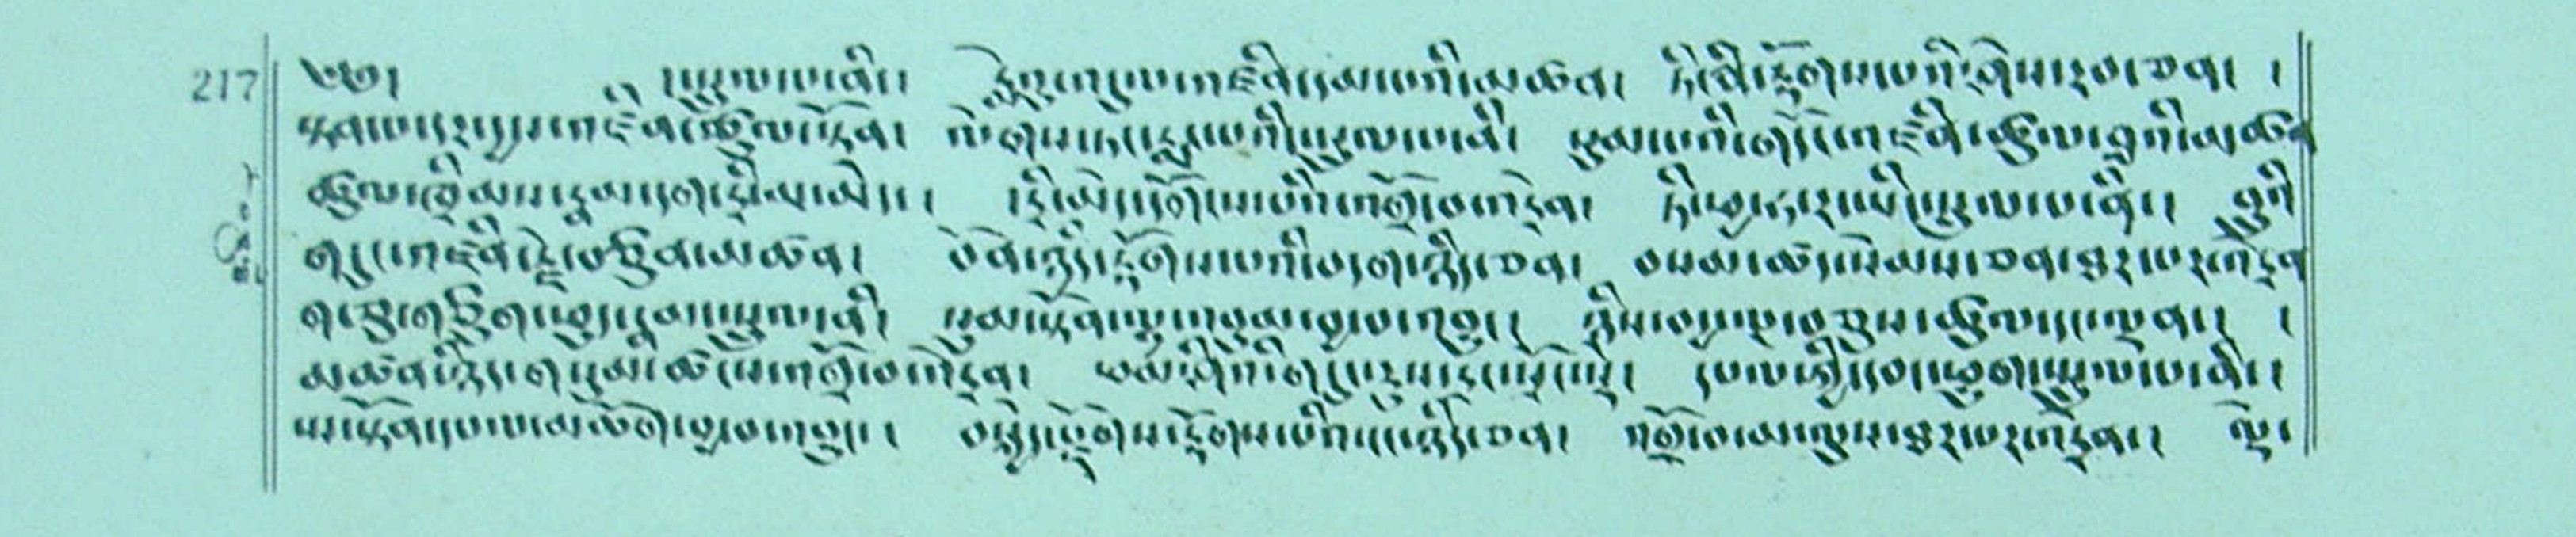༄༅། །སྤྲུལ་པ་ནི། རྨེའུ་འདུལ་འཛིན་དམ་པའི་མཚན། ཏིང་འཛིན་རྟོགས་པའི་ཤེས་རབ་ཅན།
 བསྟན་པ་དར་རྒྱས་འཛིན་ཚུལ་སྟོན། ལེགས་ཏང་རྨང་པའི་སྤྲུལ་པ་ནི། སུམ་པའི་གདོང་འཛིན་ཚུལ་བླའི་མཚན། 
ཚུལ་ཁྲིམས་རྣམ་དག་དྲི་མ་མེད། དྲི་མེད་དགོངས་པས་འགྲོ་བ་འདྲེན། ཏི་ཕྱ་ཧ་ར་ཡིད་སྤྲུལ་པ་ནི། བྲུ་ཡི་
གདུང་འཛིན་རྗེ་བཙུན་མཚན། བོན་ཉིད་རྟོགས་པའི་བདག་ཉིད་ཅན། བསམ་ཚད་སེམས་ཅད་ཐར་པར་འདྲེན། 
ཀ་ཅུ་གཙུག་ཕུད་རྣམ་སྤྲུལ་ནི། སུམ་སྟོན་ལྷ་འབུམ་བྱ་བ་འབྱུང་། ཉིས་བརྒྱ་ལྔ་བཅུའི་ཚུལ་དང་ལྡན། 
མཚན་ཉིད་གསུམ་ཚང་འགྲོ་བ་འདྲེན། ཕམ་ཤིའི་གདུང་རུས་དྲང་སྲོང་སྡེ། དཔལ་གྱི་དབང་ཕྱུག་སྤྲུལ་པ་ནི། 
སྤ་སྟོན་དཔལ་མཆོག་བྱ་བ་འབྱུང་། བསྐྱེད་རྫོགས་རྟོགས་པའི་ངང་ཉིད་ཅན། འགྲོ་བ་མ་ལུས་ཐར་བར་འདྲེན། ལྡེ་